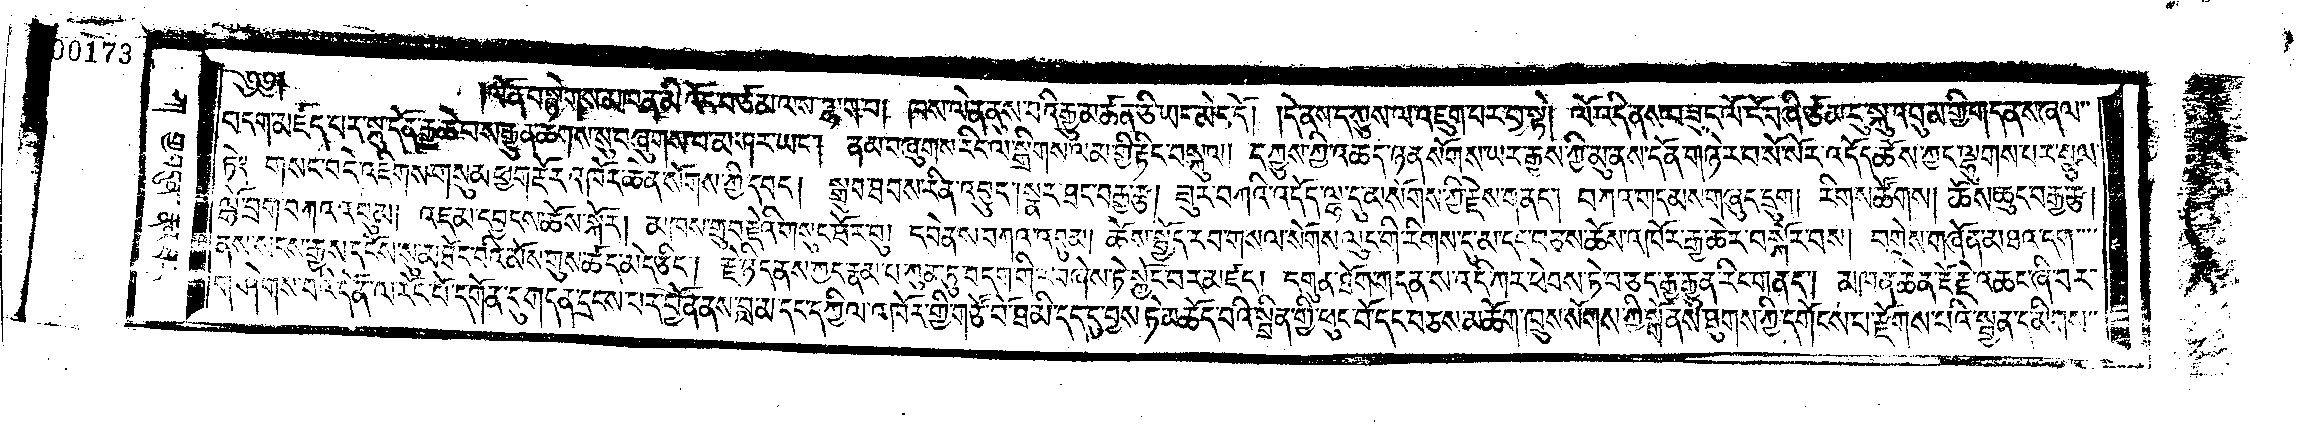༄༅། །ལོན་བསྙེགས་མཁན་མི་འོང་བ་ཙམ་ལས་ལྷག་པ། ཁས་ལེན་ནུས་པའི་རྒྱུ་མཚན་ཅི་ཡང་མེད་དོ། །དེ་ནས་དཀྱུས་ལ་འཇུག་པར་བྱ་སྟེ། ལོ་འདི་ནས་བཟུང་ལོ་ངོ་བཞི་ཙམ་དུ་སྐུ་འབུམ་གྱི་གདན་ས་ཞལ་
བདག་མཛད་པར་སྐུ་དོན་རྒྱ་ཆེ་བས་རྒྱུན་ཆགས་སུ་བཞུགས་པ་མ་ཤར་ཡང་། ནམ་བཞུགས་རིང་ལ་སྒྲིགས་ལམ་གྱི་རྟིང་བསྐུལ། དཀྱུས་ཀྱི་འཆད་ཉན་སོགས་ཡར་རྒྱས་ཀྱི་མུ་ནས་དོན་གཉེར་བ་སོ་སོར་འདོད་ཆོས་ཀྱང་ལྷུགས་པར་སྩལ་
ཏེ༑ གསང་བ་དེ་འཇིགས་གསུམ་ཕྱག་རྡོར་འཁོར་ཆེན་སོགས་ཀྱི་དབང་། སྒྲུབ་ཐབས་རིན་འབྱུང་། སྣར་ཐང་བརྒྱ་རྩ། ཟུར་བཀའི་འདོད་ལྷ་དུ་མ་སོགས་ཀྱི་རྗེས་གནང་། བཀའ་གདམས་གཞུང་དྲུག། རིགས་ཚོགས། ཆོས་ཆུང་བརྒྱ་རྩ།
ལྷོ་བྲག་བཀའ་འབུམ། འཇམ་དབྱངས་ཆོས་སྐོར། མཁས་གྲུབ་རྗེའི་གསུང་ཐོར་བུ། དབེན་ས་བཀའ་འབུམ། ཆོས་སྤྱོད་རབ་གསལ་སོགས་ལུང་གི་རིགས་དུ་མ་དང་བཅས་ཆོས་འཁོར་རྒྱ་ཆེར་བསྐོར་བས། བགྲེས་གཞོན་མཐའ་དག་
ནས་སངས་རྒྱས་དངོས་སུ་མཐོང་བའི་མོས་གུས་ཚད་མེད་ཅིང་། རྗེ་ཉིད་ནས་ཀྱང་རྣམ་པ་ཀུན་ཏུ་བདག་གིར་བཞེས་ཏེ་སྐྱོང་བར་མཛད། དགུན་ཐོག་གདན་ས་འདི་ཀར་ཕེབས་ཏེ་བཅད་རྒྱ་རྒྱུན་རིང་གནང་། མཁན་ཆེན་རྡོ་རྗེ་འཆང་ཞི་བར་
གཤེགས་པའི་དོན་ལ་རོང་པོ་དགོན་དུ་གདན་དྲངས་པར་བྱོན་ནས་བླ་མ་དང་དཀྱིལ་འཁོར་གྱི་གཙོ་བོ་ཐ་མི་དད་དུ་བྱས་ཏེ་མཆོད་པའི་སྤྲིན་གྱི་ཕུང་པོ་དང་བཅས་མཆོག་ཁྲུས་སོགས་ཀྱི་སྒོ་ནས་ཐུགས་ཀྱི་དགོངས་པ་རྫོགས་པའི་སྤྱན་དམིགས་